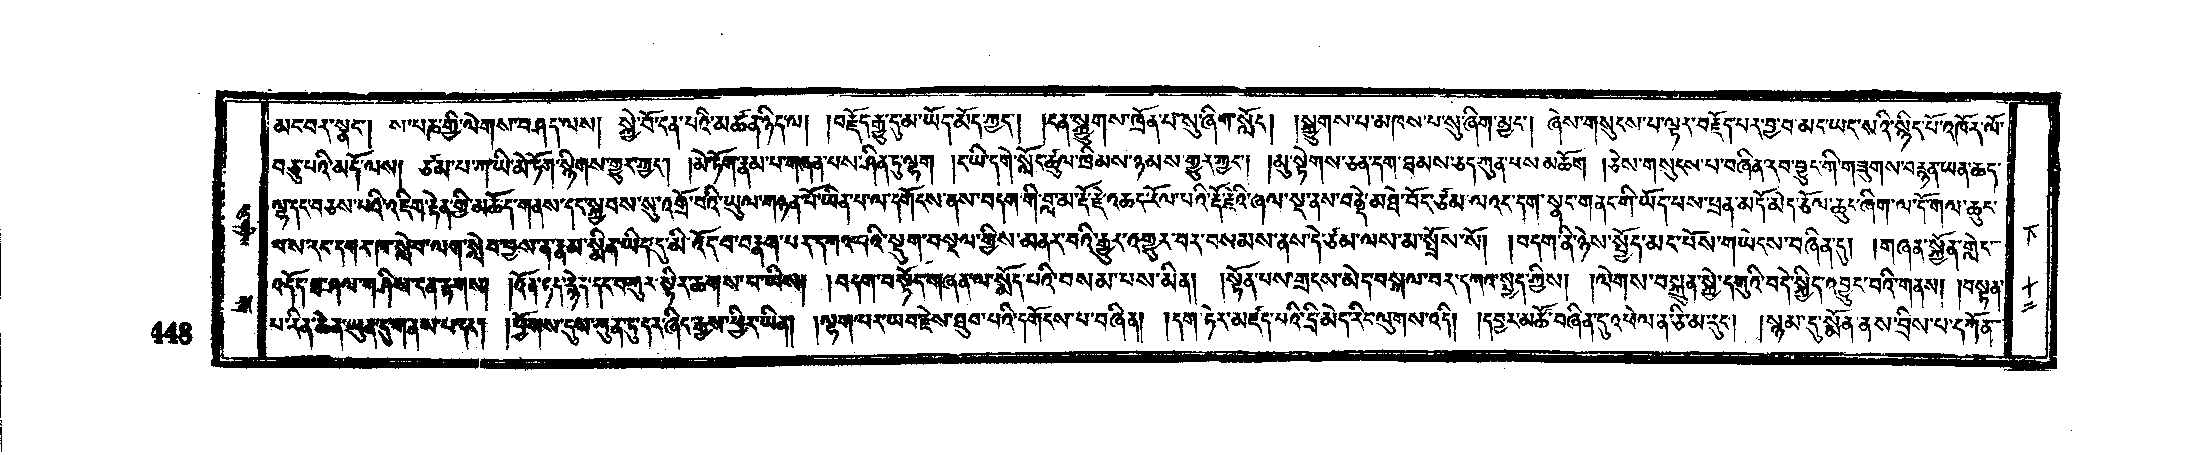མང་བར་སྣང་། ས་པཎ་གྱི་ལེགས་བཤད་ལས། སྐྱེ་བོ་ངན་པའི་མཚན་ཉིད་ལ། །བརྗོད་རྒྱུ་དུ་མ་ཡོད་མོད་ཀྱང་། །ངན་སྐྱུགས་ཁྲོན་པ་སུ་ཞིག་སློང་། །སྐྱུགས་པ་མཁས་པ་སུ་ཞིག་མྱང་། ཞེས་གསུངས་པ་ལྟར་བརྗོད་པར་བྱ་བ་མང་ཡང་སའི་སྙིང་པོ་འཁོར་ལོ་
བཅུ་པའི་མདོ་ལས། ཙམ་པ་ཀ་ཡི་མེ་ཏོག་སྙིགས་གྱུར་ཀྱང་། །མེ་ཏོག་རྣམ་པ་གཞན་པས་ཤིན་ཏུ་ལྷག །ང་ཡི་དགེ་སློང་ཚུལ་ཁྲིམས་ཉམས་གྱུར་ཀྱང་། །མུ་སྟེགས་ཅན་དག་ཐམས་ཅད་ཀུན་པས་མཆོག །ཅེས་གསུངས་པ་བཞིན་རབ་བྱུང་གི་གཟུགས་བརྙན་ཡན་ཆད་
ལྷ་དང་བཅས་པའི་འཇིག་རྟེན་གྱི་མཆོད་གནས་དང་སྐྱབས་སུ་འགྲོ་བའི་ཡུལ་གཉན་པོ་ཡིན་པ་ལ་དགོངས་ནས་བདག་གི་བླ་མ་རྡོ་རྗེ་འཆང་རོལ་པའི་རྡོ་རྗེའི་ཞལ་སྔ་ནས་བནྡེ་མཐེ་བོང་ཙམ་ལའང་དག་སྣང་གནང་གི་ཡོད་པས་ཕྲན་མདོ་མེད་ཅོལ་ཆུང་ཞིག་ལ་དོ་གལ་ཆུང་
བས་རང་དགར་ཁ་སླེབ་ལག་སླེབ་བྱས་ན་རྣམ་སྨིན་ཡིད་དུ་མི་འོང་བ་བརྣག་པར་དཀའ་བའི་སྡུག་བསྔལ་གྱིས་མནར་བའི་རྒྱུར་འགྱུར་བར་བསམས་ནས་དེ་ཙམ་ལས་མ་སྤྲོས་སོ། །བདག་ནི་ཉེས་སྤྱོད་མང་པོས་གཡེངས་བཞིན་དུ། །གཞན་སྐྱོན་གླེང་
འདོད་ཐ་ཤལ་གཤིས་ངན་རྟགས། །འོན་ཏད?་རྙེད་དང་བཀུར་སྟིར་ཆགས་པ་ཡིས། །བདག་བསྟོད་གཞན་ལ་སྨོད་པའི་བསམ་པས་མིན། །སྟོན་པས་གྲངས་མེད་བསྐལ་བར་དཀའ་སྤྱད་ཀྱིས། །ལེགས་བསྐྲུན་སྐྱེ་དགུའི་བདེ་སྐྱིད་འབྱུང་བའི་གནས། །བསྟན་
པ་རིན་ཆེན་ཡུན་དུ་གནས་པ་དང་། །ཕྱོགས་དུས་ཀུན་ཏུ་དར་ཞིང་རྒྱས་ཕྱིར་ཡིན། །ལྷག་པར་ཡབ་རྗེས་ཐུབ་པའི་དགོངས་པ་བཞིན། །དག་ཏེར་མཛད་པའི་དྲི་མེད་རིང་ལུགས་འདི། །དབྱར་མཚོ་བཞིན་དུ་འཕེལ་ན་ཅི་མ་རུང་། །སྙམ་དུ་སྨོན་ནས་བྲིས་པ་དཀོན་